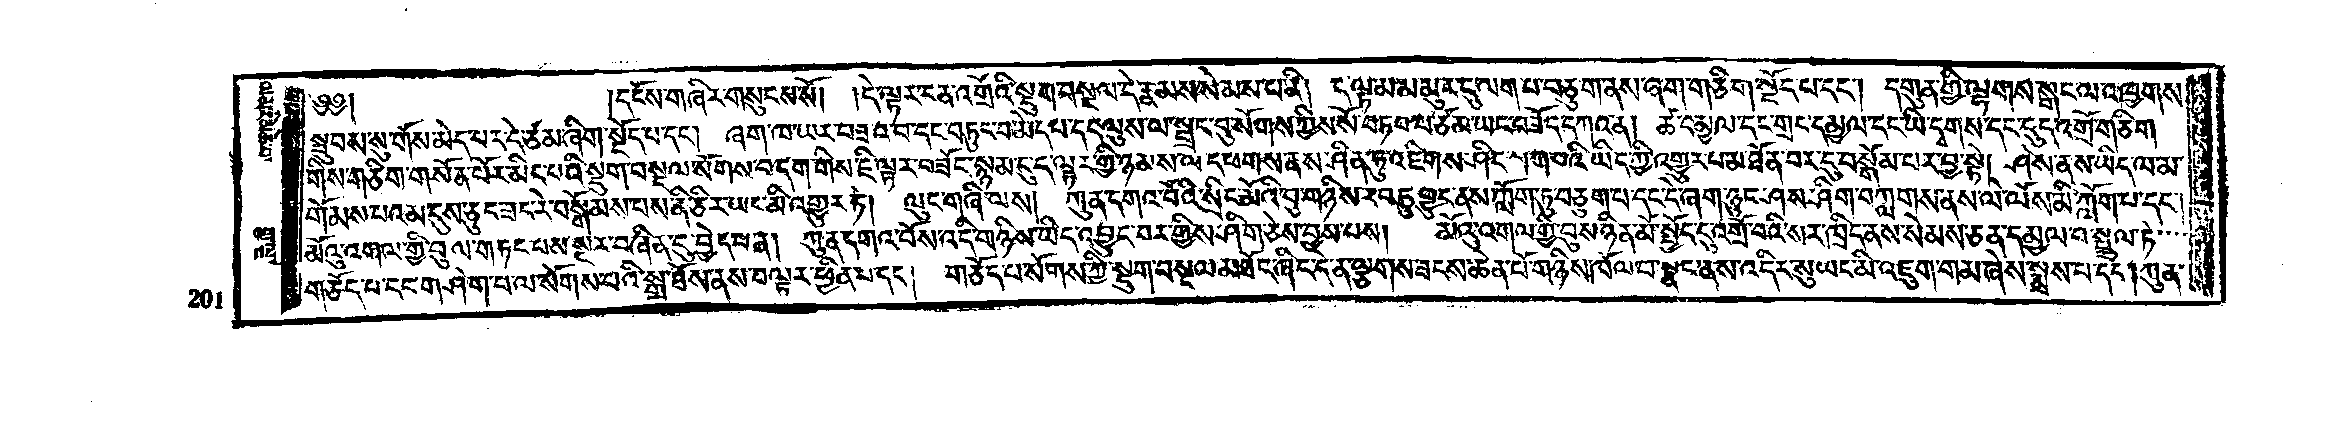༄༅། །དངོས་གཞིར་གསུངས་སོ། །དེ་ལྟར་ངན་འགྲོའི་སྡུག་བསྔལ་དེ་རྣམས་སེམས་པ་ནི། ད་ལྟ་མེ་མ་མུར་དུ་ལག་པ་བཅུག་ནས་ཞག་གཅིག་སྡོད་པ་དང་། དགུན་གྱི་ལྷགས་སྒང་ལ་འཁྱགས་
སྦུབས་སུ་གོས་མེད་པར་དེ་ཙམ་ཞིག་སྡོད་པ་དང་། ཞག་ཁ་ཡར་བཟའ་བ་དང་བཏུང་བ་མེད་པ་དང་ལུས་ལ་སྦྲང་བུ་སོགས་ཀྱིས་སོ་བཏབ་པ་ཙམ་ཡང་བཟོད་དཀའ་ན། ཚ་དམྱལ་དང་གྲང་དམྱལ་དང་ཡི་དྭགས་དང་དུད་འགྲོ་གཅིག་
གིས་གཅིག་གསོན་པོར་མིད་པའི་སྡུག་བསྔལ་སོགས་བདག་གིས་ཇི་ལྟར་བཟོད་སྙམ་དུ་ད་ལྟར་གྱི་ཉམས་ལ་དཔགས་ནས་ཤིན་ཏུ་འཇིགས་ཤིང་སྐྲག་པའི་ཡིད་ཀྱི་འགྱུར་བ་མ་ཐོན་བར་དུ་བསྒོམ་པར་བྱ་སྟེ། ཤེས་ནས་ཡིད་ལ་མ་
གོམས་པའམ་དུས་ཅུང་ཟད་རེ་བསྒོམས་པས་ནི་ཅིར་ཡང་མི་འགྱུར་ཏེ། ལུང་གཞི་ལས། ཀུན་དགའ་བོའི་སྲིང་མོའི་བུ་གཉིས་རབ་ཏུ་བྱུང་ནས་ཀློག་ཏུ་བཅུག་པ་དང་དེ་ཞག་ཉུང་ཤས་ཤིག་བཀླགས་ནས་ལེ་ལོས་མི་ཀློག་པ་དང་།
མོའུ་འགལ་གྱི་བུ་ལ་གཏད་པས་སྔར་བཞིན་དུ་བྱེད་པ་ན། ཀུན་དགའ་བོས་འདི་གཉིས་ཡིད་འབྱུང་བར་གྱིས་ཤིག་ཅེས་བྱས་པས། མོའུ་འགལ་གྱི་བུས་ཉིན་མོ་སྤྱོད་དུ་འགྲོ་བའི་སར་ཁྲིད་ནས་སེམས་ཅན་དམྱལ་བ་སྤྲུལ་ཏེ་
གཅོད་པ་དང་གཤེག་པ་ལ་སོགས་པའི་སྒྲ་ཐོས་ནས་བལྟར་ཕྱིན་པ་དང་། གཅོད་པ་སོགས་ཀྱི་སྡུག་བསྔལ་མཐོང་ཞིང་དེ་ན་ལྕགས་ཟངས་ཆེན་པོ་གཉིས་ཁོལ་བ་སྣང་ནས་འདིར་སུ་ཡང་མི་འཇུག་གམ་ཞེས་སྨྲས་པ་དང་། ཀུན་